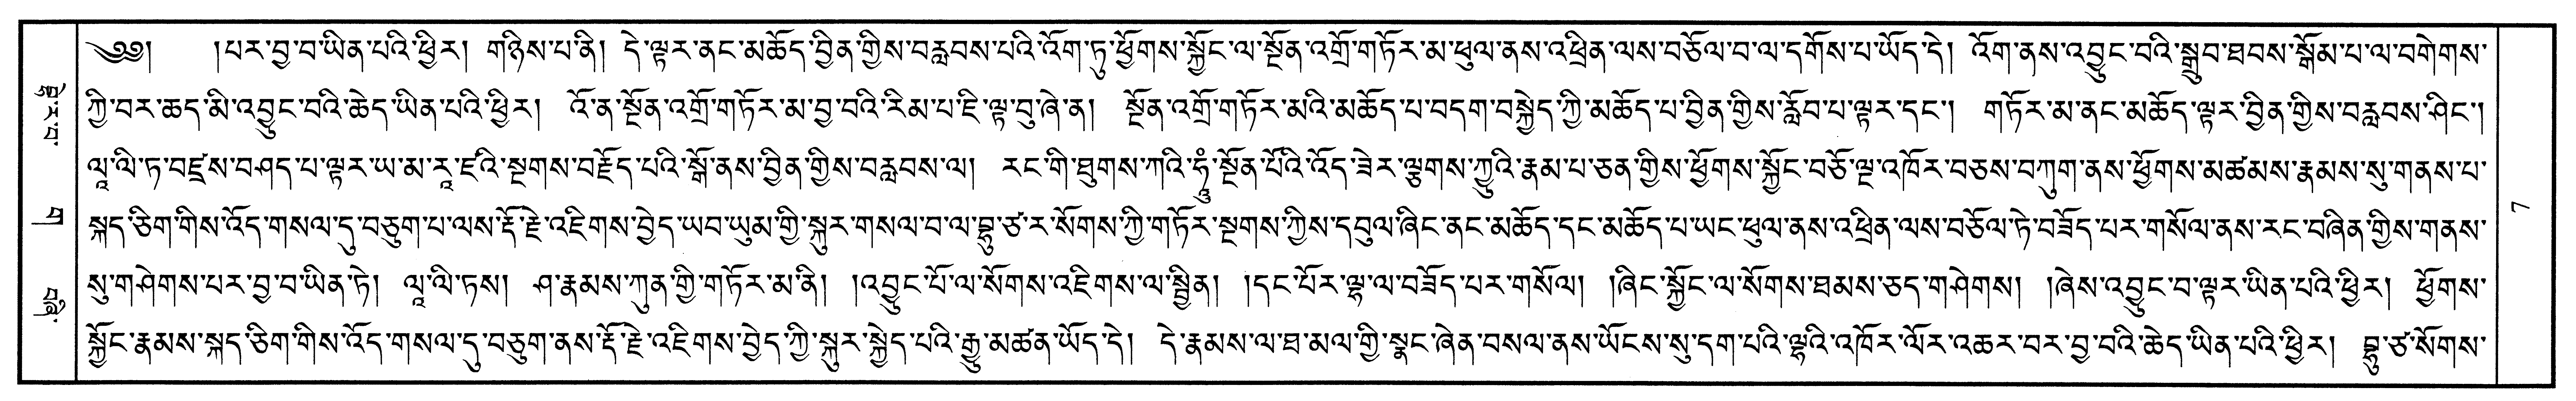༄༅། །པར་བྱ་བ་ཡིན་པའི་ཕྱིར། གཉིས་པ་ནི། དེ་ལྟར་ནང་མཆོད་བྱིན་གྱིས་བརླབས་པའི་འོག་ཏུ་ཕྱོགས་སྐྱོང་ལ་སྔོན་འགྲོ་གཏོར་མ་ཕུལ་ནས་འཕྲིན་ལས་བཅོལ་བ་ལ་དགོས་པ་ཡོད་དེ། འོག་ནས་འབྱུང་བའི་སྒྲུབ་ཐབས་སྒོམ་པ་ལ་བགེགས་
ཀྱི་བར་ཆད་མི་འབྱུང་བའི་ཆེད་ཡིན་པའི་ཕྱིར། འོ་ན་སྔོན་འགྲོ་གཏོར་མ་བྱ་བའི་རིམ་པ་ཇི་ལྟ་བུ་ཞེ་ན། སྔོན་འགྲོ་གཏོར་མའི་མཆོད་པ་བདག་བསྐྱེད་ཀྱི་མཆོད་པ་བྱིན་གྱིས་རློབ་པ་ལྟར་དང་། གཏོར་མ་ནང་མཆོད་ལྟར་བྱིན་གྱིས་བརླབས་ཤིང་།
ལཱ་ལི་ཏ་བཛྲས་བཤད་པ་ལྟར་ཡ་མ་རཱ་ཛའི་སྔགས་བརྗོད་པའི་སྒོ་ནས་བྱིན་གྱིས་བརླབས་ལ། རང་གི་ཐུགས་ཀའི་ཧཱུཾ་སྔོན་པོའི་འོད་ཟེར་ལྕགས་ཀྱུའི་རྣམ་པ་ཅན་གྱིས་ཕྱོགས་སྐྱོང་བཅོ་ལྔ་འཁོར་བཅས་བཀུག་ནས་ཕྱོགས་མཚམས་རྣམས་སུ་གནས་པ་
སྐད་ཅིག་གིས་འོད་གསལ་དུ་བཅུག་པ་ལས་རྡོ་རྗེ་འཇིགས་བྱེད་ཡབ་ཡུམ་གྱི་སྐུར་གསལ་བ་ལ་བྷུ་ཙ་ར་སོགས་ཀྱི་གཏོར་སྔགས་ཀྱིས་དབུལ་ཞིང་ནང་མཆོད་དང་མཆོད་པ་ཡང་ཕུལ་ནས་འཕྲིན་ལས་བཅོལ་ཏེ་བཟོད་པར་གསོལ་ནས་རང་བཞིན་གྱིས་གནས་
སུ་གཤེགས་པར་བྱ་བ་ཡིན་ཏེ། ལཱ་ལི་ཏས། ཤ་རྣམས་ཀུན་གྱི་གཏོར་མ་ནི། །འབྱུང་པོ་ལ་སོགས་འཇིགས་ལ་སྦྱིན། །དང་པོར་ལྷ་ལ་བཟོད་པར་གསོལ། །ཞིང་སྐྱོང་ལ་སོགས་ཐམས་ཅད་གཤེགས། །ཞེས་འབྱུང་བ་ལྟར་ཡིན་པའི་ཕྱིར། ཕྱོགས་
སྐྱོང་རྣམས་སྐད་ཅིག་གིས་འོད་གསལ་དུ་བཅུག་ནས་རྡོ་རྗེ་འཇིགས་བྱེད་ཀྱི་སྐུར་སྐྱེད་པའི་རྒྱུ་མཚན་ཡོད་དེ། དེ་རྣམས་ལ་ཐ་མལ་གྱི་སྣང་ཞེན་བསལ་ནས་ཡོངས་སུ་དག་པའི་ལྷའི་འཁོར་ལོར་འཆར་བར་བྱ་བའི་ཆེད་ཡིན་པའི་ཕྱིར། བྷུ་ཙ་སོགས་